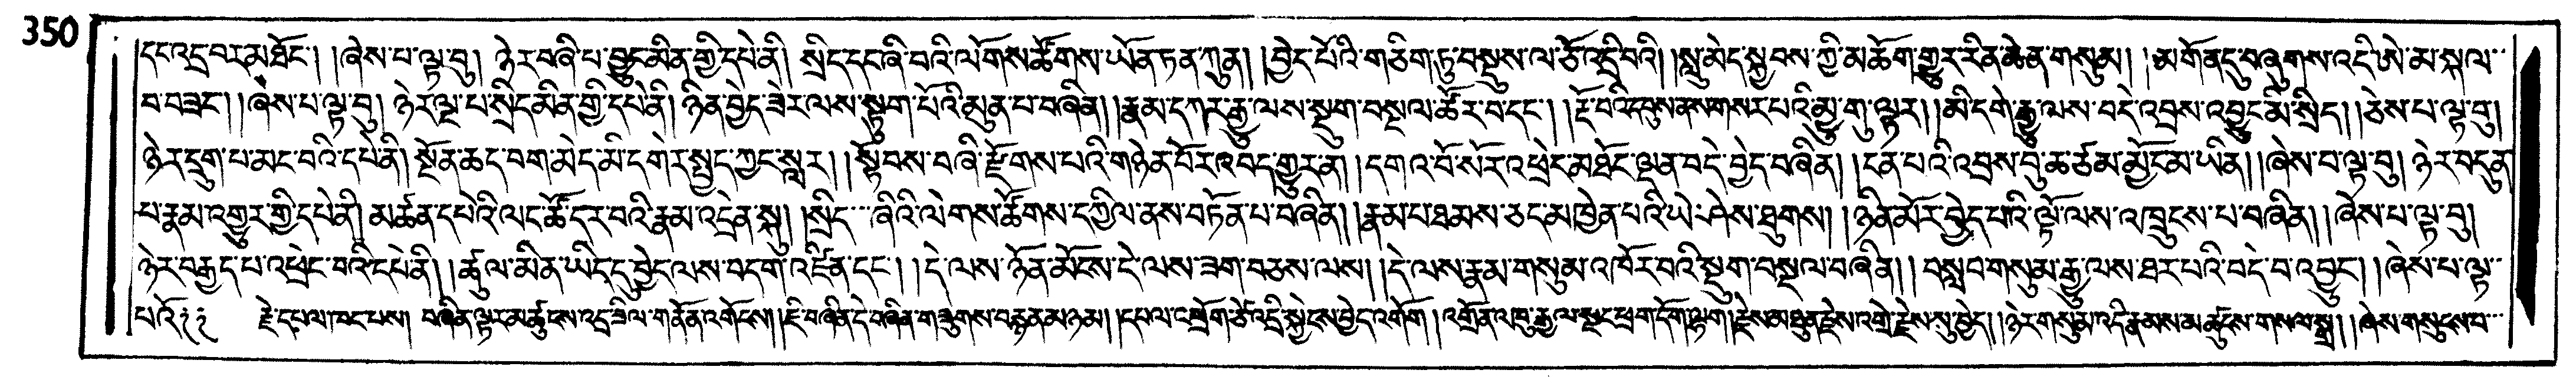དང་འདྲ་བར་མཐོང་། །ཞེས་པ་ལྟ་བུ། ཉེར་བཞི་པ་བྱུང་མིན་གྱི་དཔེ་ནི། སྲིད་དང་ཞི་བའི་ལོགས་ཚོགས་ཡོན་ཏན་ཀུན། །བྱེད་པོའི་གཅིག་ཏུ་བསྡུས་ལ་ཙོ་འདྲི་བའི། །སླུ་མེད་སྐྱབས་ཀྱི་མཆོག་གྱུར་རིན་ཆེན་གསུམ། །མགོན་དུ་བཞུགས་འདི་ཨེ་མ་སྐལ་
བ་བཟང་། །ཞེས་པ་ལྟ་བུ། ཉེར་ལྔ་པ་སྲིད་མིན་གྱི་དཔེ་ནི། ཉིན་བྱེད་ཟེར་ལས་སྟུག་པོའི་མུན་པ་བཞིན། །རྣམ་དཀར་རྒྱུ་ལས་སྡུག་བསྔལ་ཚོར་བ་དང་། །རྡོ་བའི་དབུས་ནས་གསར་པའི་མྱུ་གུ་ལྟར། །མི་དགེ་རྒྱུ་ལ་བདེ་འབྲས་འབྱུང་ཨི་སྲིད། །ཅེས་པ་ལྟ་བུ།
ཉེར་དྲུག་པ་མང་བའི་དཔེ་ནི། སྔོན་ཆད་བག་མེད་མི་དགེར་སྤྱད་ཀྱང་སླར། །སྟོབས་བཞི་རྫོགས་པའི་གཉེན་པོར་འབད་གྱུར་ན། །དགའ་བོ་སོར་འཕྲེང་མཐོང་ལྡན་བདེ་བྱེད་བཞིན། །ངན་པའི་འབྲས་བུ་ཆ་ཙམ་མྱོང་མ་ཡིན། །ཞེས་པ་ལྟ་བུ། ཉེར་བདུན་
པ་རྣམ་འགྱུར་གྱི་དཔེ་ནི། མཚན་དཔེའི་ལང་ཚོ་དར་བའི་རྣམ་འདྲེན་སྐུ། །སྲིད་་་ཞིའི་ལེགས་ཚོགས་དཀྱིལ་ནས་བཏོན་པ་བཞིན། །རྣམ་པ་ཐམས་ཅད་མཁྱེན་པའི་ཡེ་ཤེས་ཐུགས། །ཉིན་མོར་བྱེད་པའི་ལྟོ་ལས་འཁྲུངས་པ་བཞིན། །ཞེས་པ་ལྟ་བུ།
ཉེར་བརྒྱད་པ་འཕྲེང་བའི་དཔེ་ནི། །ཚུལ་མིན་ཡིད་དུ་བྱེད་ལས་བདག་འཛིན་དང་། །དེ་ལས་ཉོན་མོངས་དེ་ལས་ཟག་བཅས་ལས། །དེ་ལས་རྣམ་གསུམ་འཁོར་བའི་སྡུག་བསྔལ་བཞིན། །བསླབ་གསུམ་རྒྱུ་ལས་ཐར་པའི་བདེ་བ་འབྱུང་། །ཞེས་པ་ལྟ་
པའོ༑༑ རྗེ་དཔལ་ཁང་པས། བཞིན་ལྟར་མཚུངས་འདྲ་ཟིལ་གནོན་འགོངས། །ཇི་བཞིན་དེ་བཞིན་གཟུགས་བརྙན་མཉམ། །དཔལ་འཕྲོག་ཙེ་འདྲི་སྐྱེངས་བྱེད་འགོག །འགྲོན་འཁུ་རྒྱལ་སྡང་ཕྲག་དོག་ལྷག །རྗེས་མཐུན་རྗེས་འགྲེ་རྗེས་སུ་བྱེད། །ཉེར་གསུམ་འདི་རྣམས་མཚུངས་གསལ་སྒྲ། །ཞེས་གསུངས་པ་